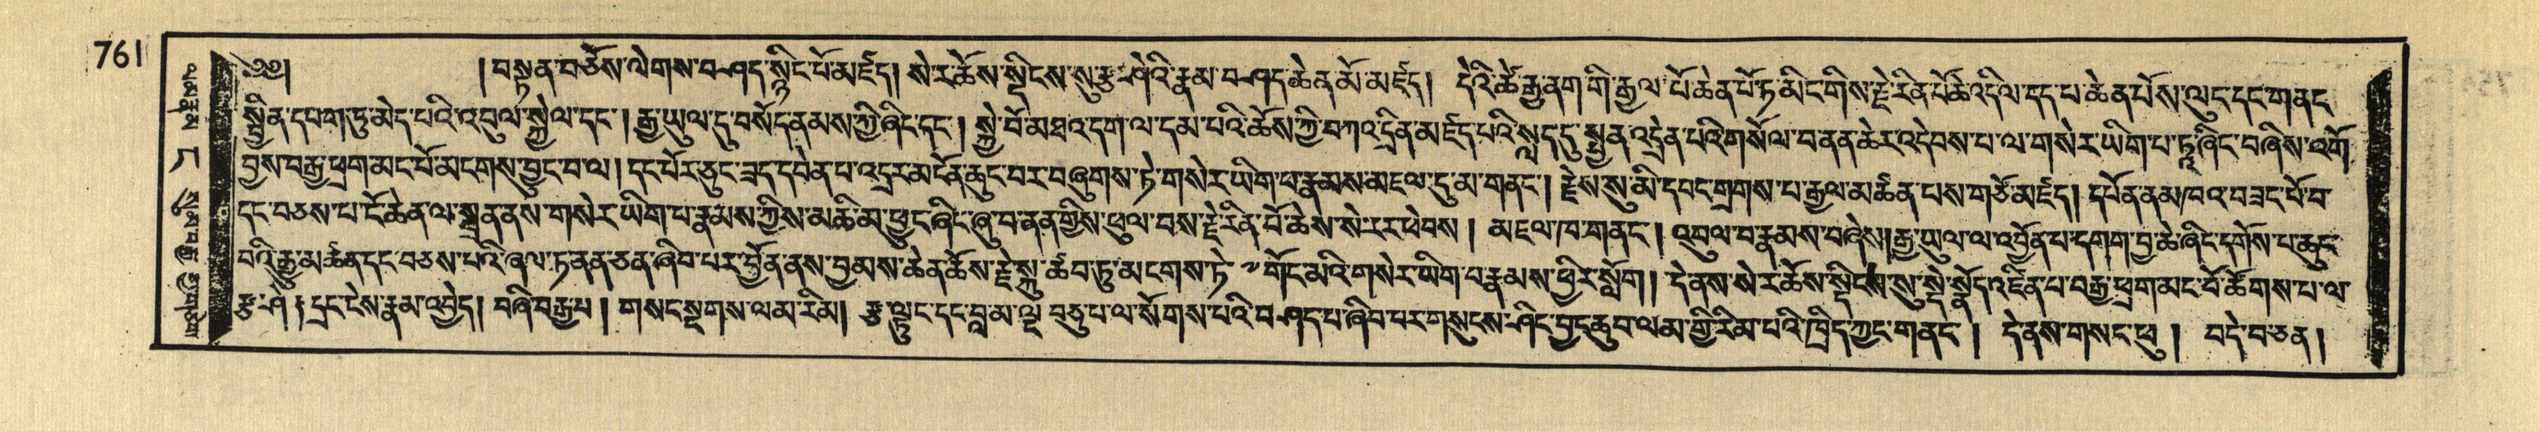༄༅། །བསྟན་བཅོས་ལེགས་བཤད་སྙིང་པོ་མཛད། སེ་ར་ཆོས་སྡིངས་སུ་རྩ་ཤེའི་རྣམ་བཤད་ཆེན་མོ་མཛད། དེའི་ཚེ་རྒྱ་ནག་གི་རྒྱལ་པོ་ཆེན་པོ་ཏ་མིང་གིས་རྗེ་རིན་པོ་ཆེ་འདི་ལ་དད་པ་ཆེན་པོས་ལུང་དང་གནང་
སྦྱིན་དཔག་ཏུ་མེད་པའི་འབུལ་སྐྱེལ་དང་། རྒྱ་ཡུལ་དུ་བསོད་ནམས་ཀྱི་ཞིང་དང་། སྐྱེ་བོ་མཐའ་དག་ལ་དམ་པའི་ཆོས་ཀྱི་བཀའ་དྲིན་མཛད་པའི་སླད་དུ་སྤྱན་འདྲེན་པའི་གསོལ་བ་ནན་ཆེར་འདེབས་པ་ལ་གསེར་ཡིག་པ་ཏཱ་ཞིང་བཞིས་འགོ་
བྱས་བརྒྱ་ཕྲག་མང་པོ་མངགས་བྱུང་བ་ལ། དང་པོར་ཅུང་ཟད་དབེན་པ་འདྲར་མངོན་ཆུང་བར་བཞུགས་ཏེ་གསེར་ཡིག་པ་རྣམས་མཇལ་དུ་མ་གནང་། རྗེས་སུ་མི་དབང་གྲགས་པ་རྒྱལ་མཚན་པས་གཙོ་མཛད། དཔོན་ནམཁའ་བཟང་པོ་བ་
དང་བཅས་པ་ངོ་ཆེན་ལ་སྦྲན་ནས་གསེར་ཡིག་པ་རྣམས་ཀྱིས་མཆི་མ་ཕྱུང་ཞིང་ཞུ་བ་ནན་གྱིས་ཕུལ་བས་རྗེ་རིན་པོ་ཆེས་སེ་རར་ཕེབས། མཇལ་ཁ་གནང་། འབུལ་བ་རྣམས་བཞེས། རྒྱ་ཡུལ་ལ་འབྱོན་པ་དགག་བྱ་ཆེ་ཞིང་དགོས་པ་ཆུང་
བའི་རྒྱུ་མཚན་དང་བཅས་པའི་ཞལ་ཏ་ནན་ཅན་ཞིབ་པར་བྱོན་ནས་བྱམས་ཆེན་ཆོས་རྗེ་སྐུ་ཚབ་ཏུ་མངགས་ཏེ་༧་གོང་མའི་གསེར་ཡིག་པ་རྣམས་ཕྱིར་སློག། དེ་ནས་སེ་ར་ཆོས་སྡིངས་སུ་སྡེ་སྣོད་འཛིན་པ་བརྒྱ་ཕྲག་མང་བོ་ཚོགས་པ་ལ་
རྩ་ཤེ༑ དྲང་ངེས་རྣམ་འབྱེད། བཞི་བརྒྱ་པ། གསང་སྔགས་ལམ་རིམ། རྩ་ལྟུང་དང་བླ་མ་ལྔ་བཅུ་པ་ལ་སོགས་པའི་བཤད་པ་ཞིབ་པར་གསུངས་ཤིང་བྱང་ཆུབ་ལམ་གྱི་རིམ་པའི་ཁྲིད་ཀྱང་གནང་། དེ་ནས་གསང་ཕུ། བདེ་བ་ཅན།